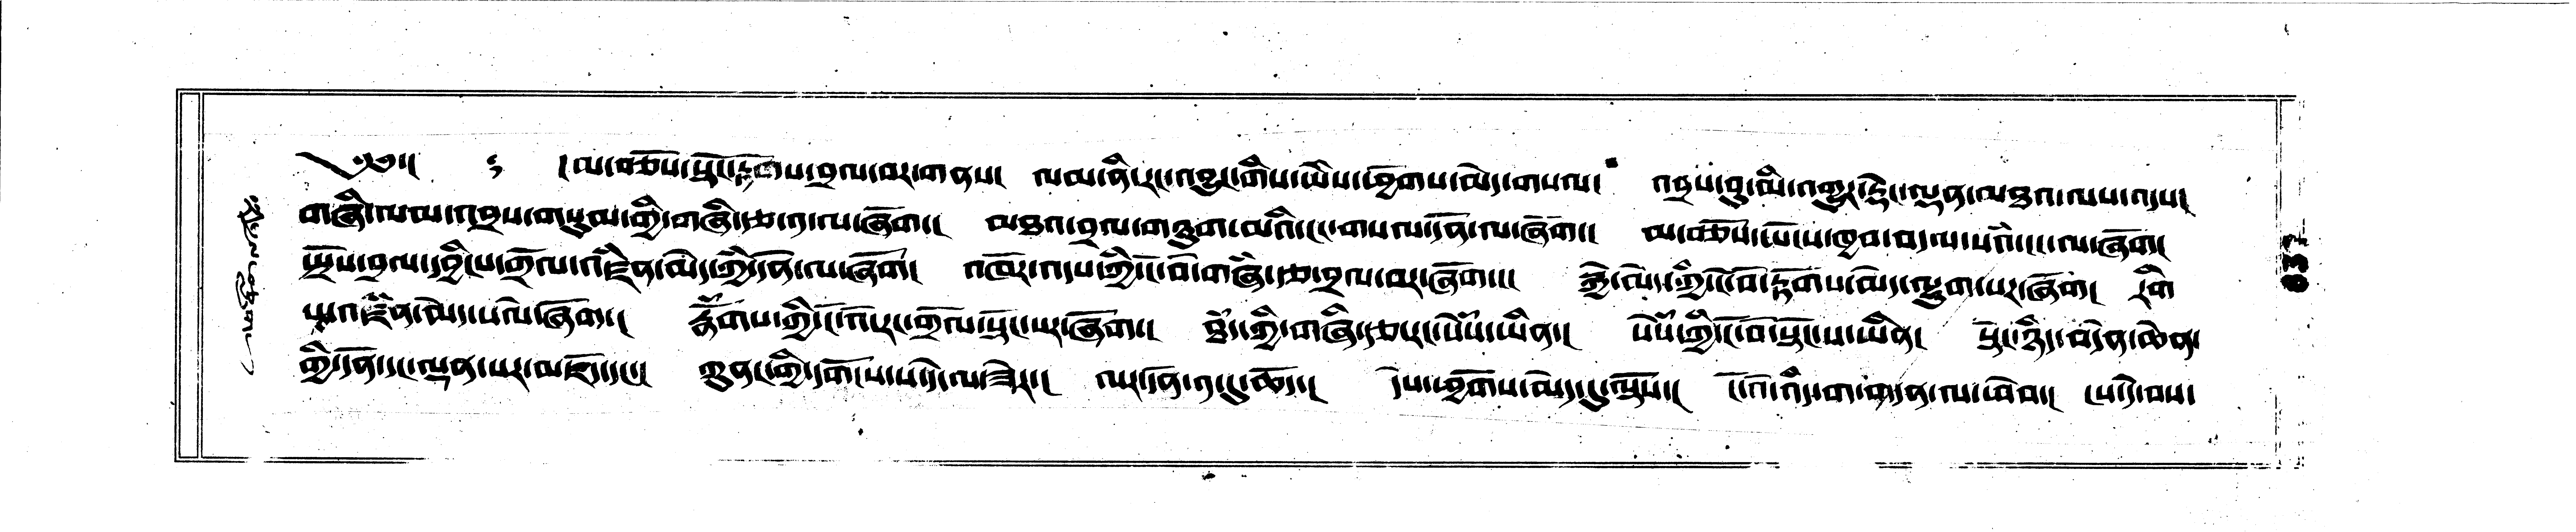མ་བཅོས་སྟོང་རྟོགས་བྲལ་བར་གནས། །ལམ་ནི་རང་འབྱུང་གི་ཡེ་ཤེས་ཕྱོགས་མེད་གསལ། འབྲས་བུ་མི་འགྱུར་རྡེང་ལྡན་འཐའ་ལས་འདས། 
།གཞི་ལམ་འབྲས་བུ་གསུམ་གྱི་གཞི་རྩ་གཅིག་ལ་ཞོག །མཐའ་བྲལ་གཉུག་མའི་ངང་གསལ་དོན་ལ་ཞོག །མ་བཅོས་ཡོངས་ཁྱབ་བདལ་པའི་ངང་ལ་ཞོག 
།སྤྲོས་བྲལ་དབྱིངས་གྲོལ་འཛིན་མེད་ཀྱི་དོན་ལ་ཞོག །འཁོར་འདས་ཀྱི་ངོའོ་གཞི་རྩ་བྲལ་བར་ཞོག སྐྱེ་མེད་ཀྱི་ངོའོ་རྟོག་མེད་ལྷུག་པར་ཞོག །རིག་
པ་འཛིན་མེད་སལེ་ཞོག རྣམ་རྟོག་གི་ངོའོ་རང་གྲོལ་སྟོང་པར་ཞོག ཐམས་ཅད་གཞི་རྩ་རང་སེམས་ཡིན། སེམས་ཀྱི་ངོའོ་སྟོང་པ་ཡིན། སྟོང་ཉིད་བདེ་ཆེན་
གྱི་དོན་དང་ལྡན་པར་མཛོད་དང་། ཀུན་བཟང་གི་དགོངས་པ་དེ་ལ་ཟེར། ལར་དོན་གཅིག་ཏུ་ཆོད། དེས་ཕྱོགས་མེད་དུ་ལྟོས། ངོའོ་འདི་ག་གདན་ལ་ཕེབ། ངས་དེ་བས་